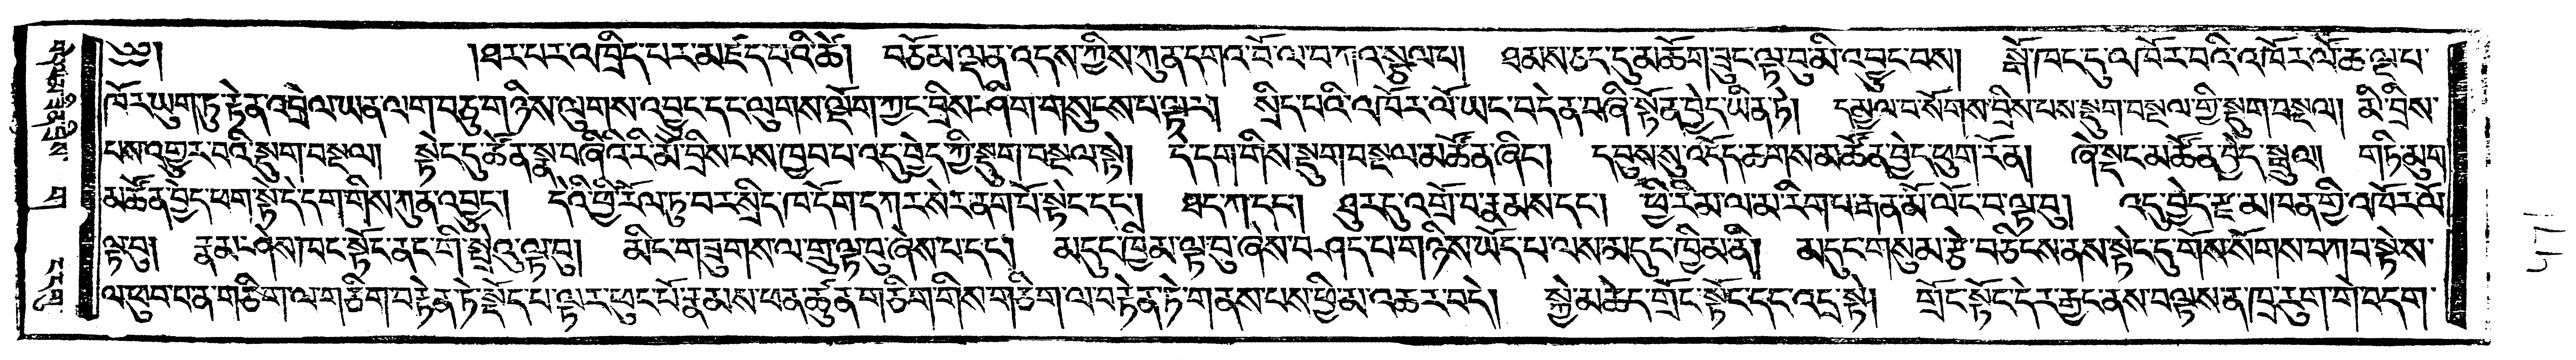༄༅། །ཐར་པར་འཁྲིད་པར་མཛད་པའི་ཚེ། བཅོམ་ལྡན་འདས་ཀྱིས་ཀུན་དགའ་བོ་ལ་བཀའ་སྩལ་པ། ཐམས་ཅད་དུ་མཆོག་ཟུང་ལྟ་བུ་མི་འབྱུང་བས། སྒོ་ཁང་དུ་འཁོར་བའི་འཁོར་ལོ་ཆ་ལྔ་པ་
ཁོར་ཡུག་ཏུ་རྟེན་འབྲེལ་ཡན་ལག་བཅུ་གཉིས་ལུགས་འབྱུང་དང་ལུགས་ལྡོག་ཀྱང་བྲིས་ཤིག་གསུངས་བ་ལྟར། སྲིད་བའི་འཁོར་ལོ་ཡང་བདེན་བཞི་སྟོན་བྱེད་ཡིན་ཏེ། དམྱལ་བ་སོགས་བྲིས་པས་སྡུག་བསྔལ་གྱི་སྡུག་བསྔལ། མི་བྲིས་
པས་འགྱུར་བའི་སྡུག་བསྔལ། སྟེང་དུ་ཚོན་སྣ་བཞིའི་རི་མོ་བྲིས་པས་ཁྱབ་པ་འདུ་བྱེད་ཀྱི་སྡུག་བསྔལ་སྟེ། དེ་དག་གིས་སྡུག་བསྔལ་མཚོན་ཞིང་། དབུས་སུ་འདོད་ཆགས་མཚོན་བྱེད་ཕུག་རོན། ཞེ་སྡང་མཚོན་བྱེད་སྦྲུལ། གཏི་མུག་
མཚོན་བྱེད་ཕག་སྙེ་དེ་དག་གིས་ཀུན་འབྱུང་། དེའི་ཕྱི་རོལ་ཏུ་བར་སྲིད་ཁ་དོག་དཀར་སེར་ནག་པོ་སྟེང་དང་། ཐད་ཀ་དང་། ཐུར་དུ་འགྲོ་བ་རྣམས་དང་། ཕྱི་རིམ་ལ་མ་རིག་པ་རྒན་མོ་ལོང་བ་ལྟ་བུ། འདུ་བྱེད་རྫ་མཁན་གྱི་འཁོར་ལོ་
ལྟ་བུ། རྣམ་ཤེས་ཁང་སྟོང་ནང་གི་སྤྲེའུ་ལྟ་བུ། མིང་གཟུགས་ལ་གྲུ་ལྟ་བུ་ཞེས་པ་དང་། མདུང་ཁྱིམ་ལྟ་བུ་ཞེས་བཤད་པ་གཉིས་ཡོད་པ་ལས་མདུང་ཁྱིམ་ནི། མདུང་གསུམ་རྩེ་བཅིངས་ནས་སྟེང་དུ་གོས་སོགས་བཀབ་སྟེ་ས་
ལ་ཕུབ་པ་ན་གཅིག་ལ་གཅིག་བརྟེན་ཏེ་སྡོད་པ་ལྟར་ཕུང་པོ་རྣམས་ཕན་ཚུན་གཅིག་གིས་གཅིག་ལ་བརྟེན་ཏེ་གནས་པས་ཕྱི་མ་འཆར་བདེ། སྐྱེ་མཆེད་གྲོང་སྟོང་དང་འདྲ་སྟེ། གྲོང་སྟོང་དེར་རྒྱང་ནས་བལྟས་ན་ཁྲ་རུག་གེ་བདག་